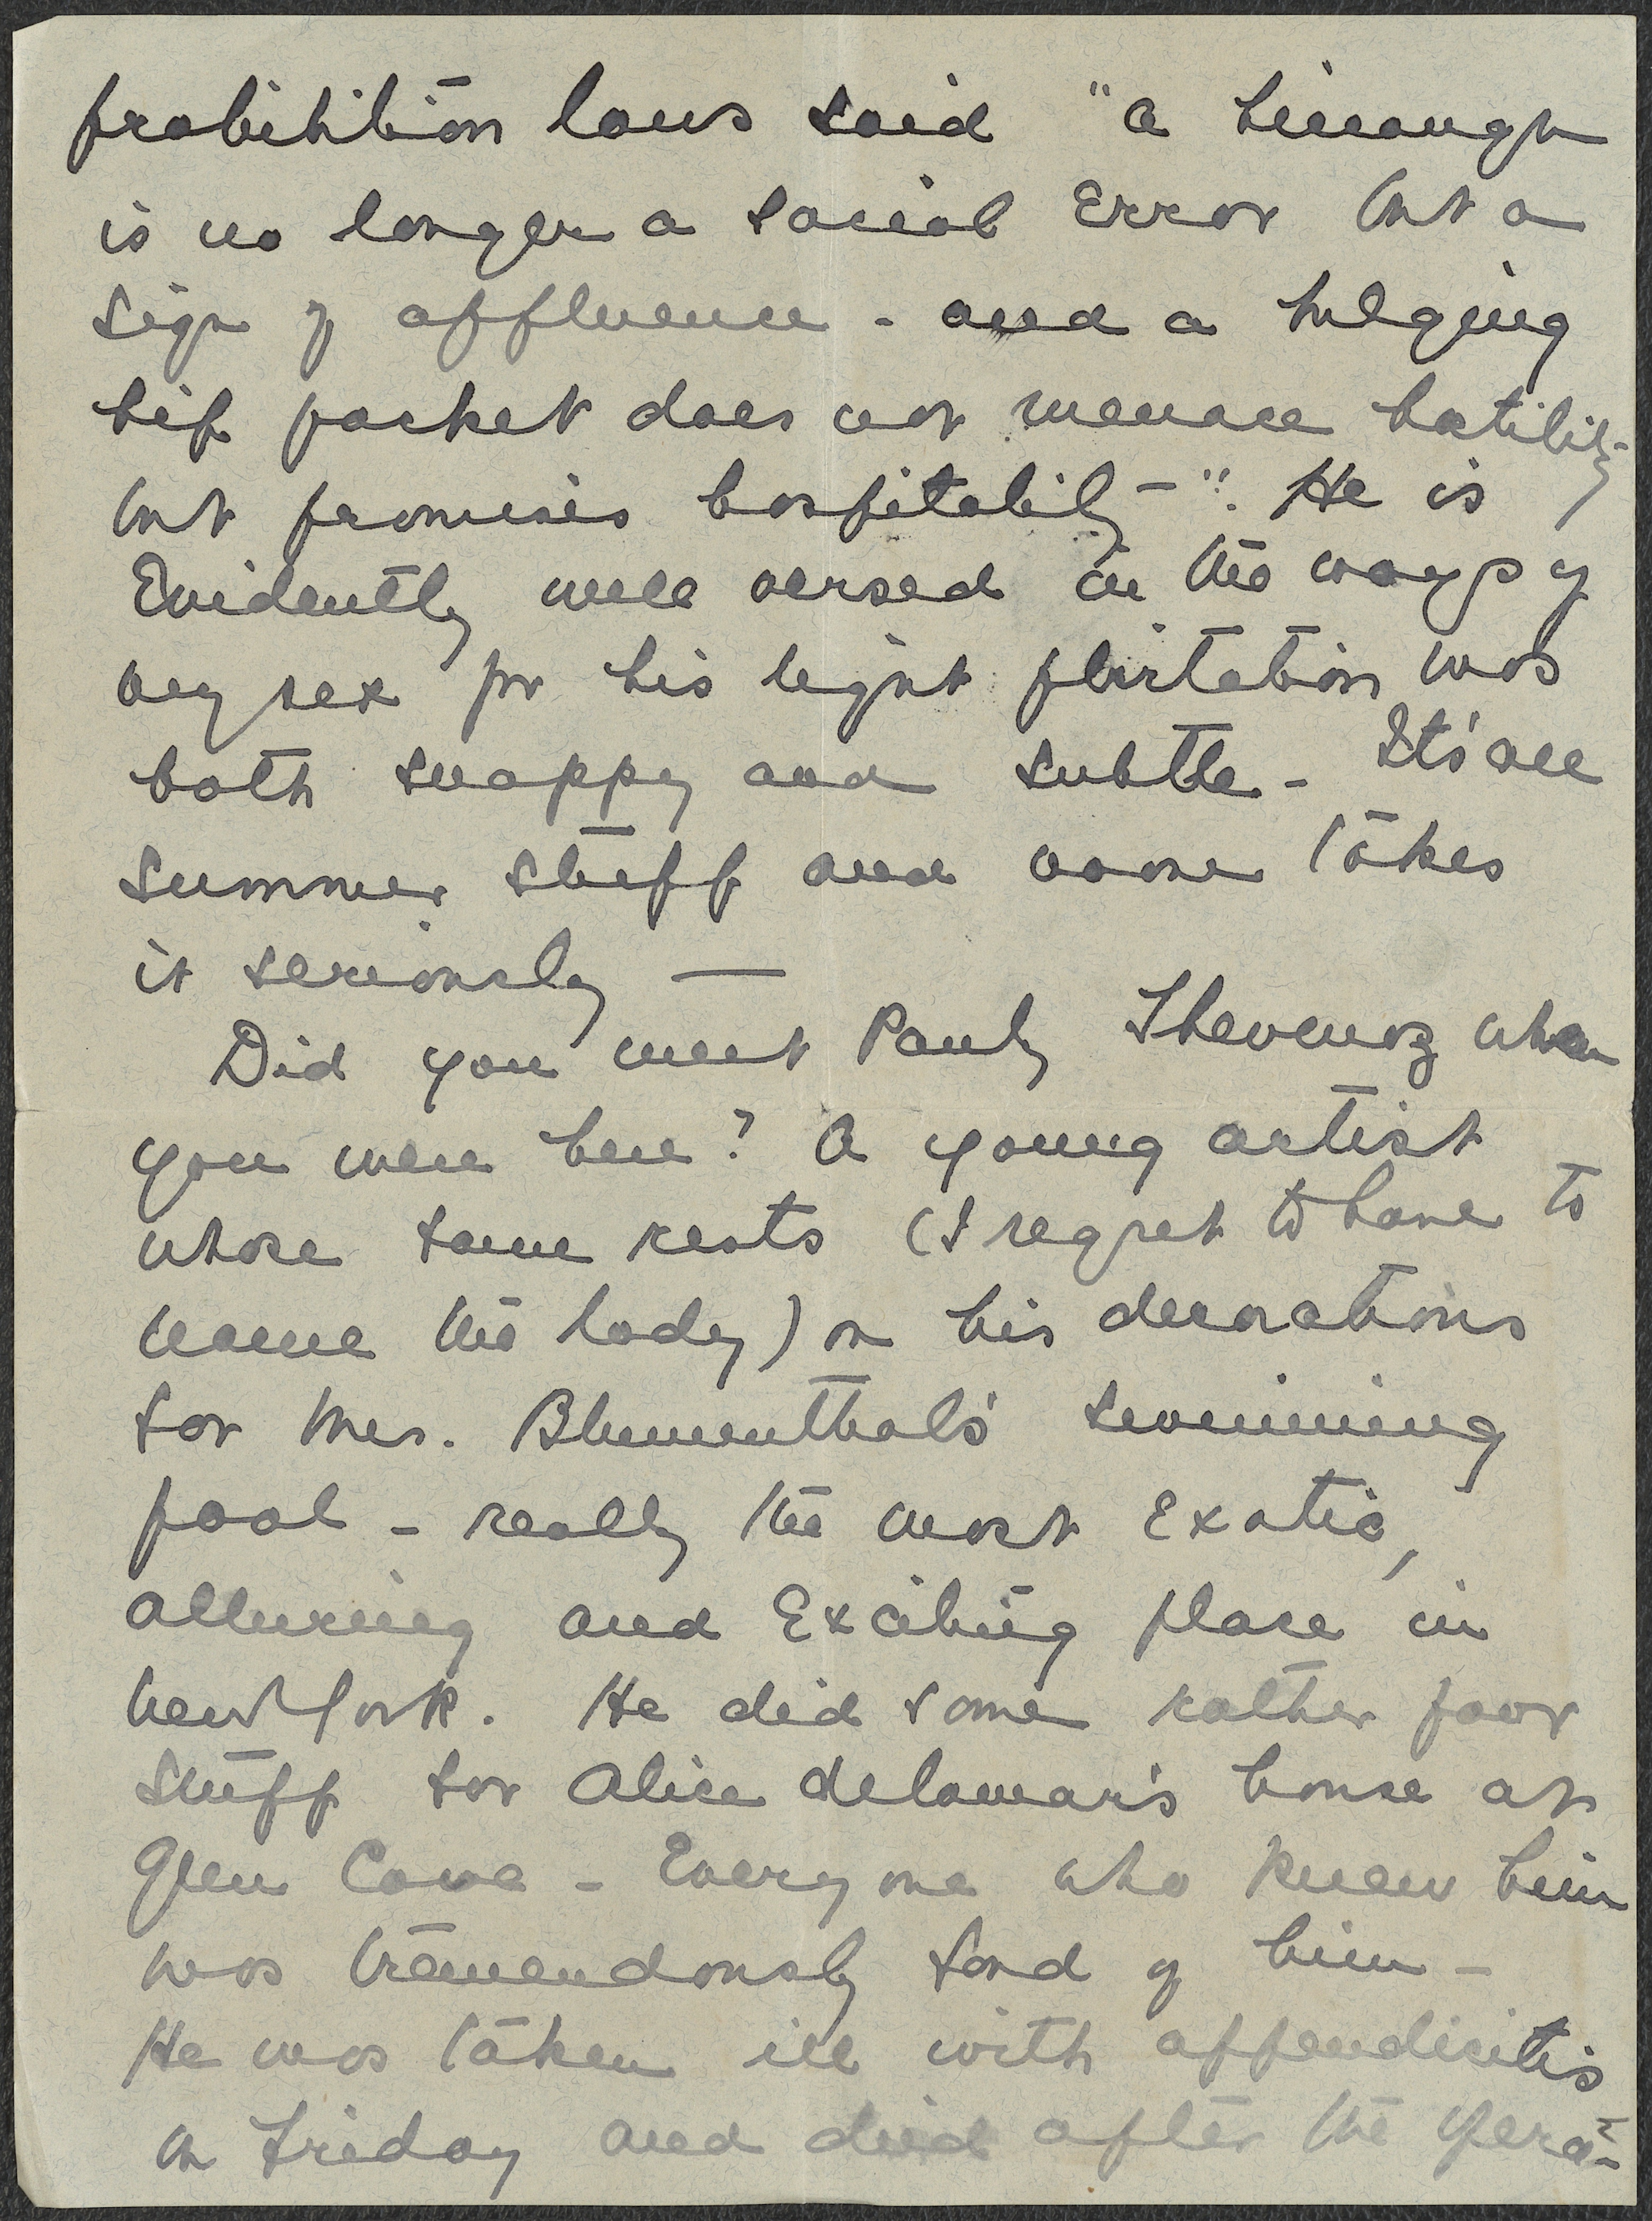prohibition laws said “a hiccough is no longer a social error but a sign of affluence – and a bulging bib jacket does not menace hostility but promises hospitality – ”. He is evidently well versed in the ways of my sex for his light flirtation was both snappy and subtle – It’s all summer stuff and no one takes it seriously –
Did you meet Paul Thevenaz when you were here? A young artist whose fame rests (I regret to have to name the lady) on his decorations for Mrs. Blumenthal’s swimming pool – really the most exotic, alluring and exciting place in New York. He did some rather poor stuff for Alice DeLamar’s house at Glen Cove – Everyone who knew him was tremendously fond of him – He was taken ill with appendicitis on Friday and died after the